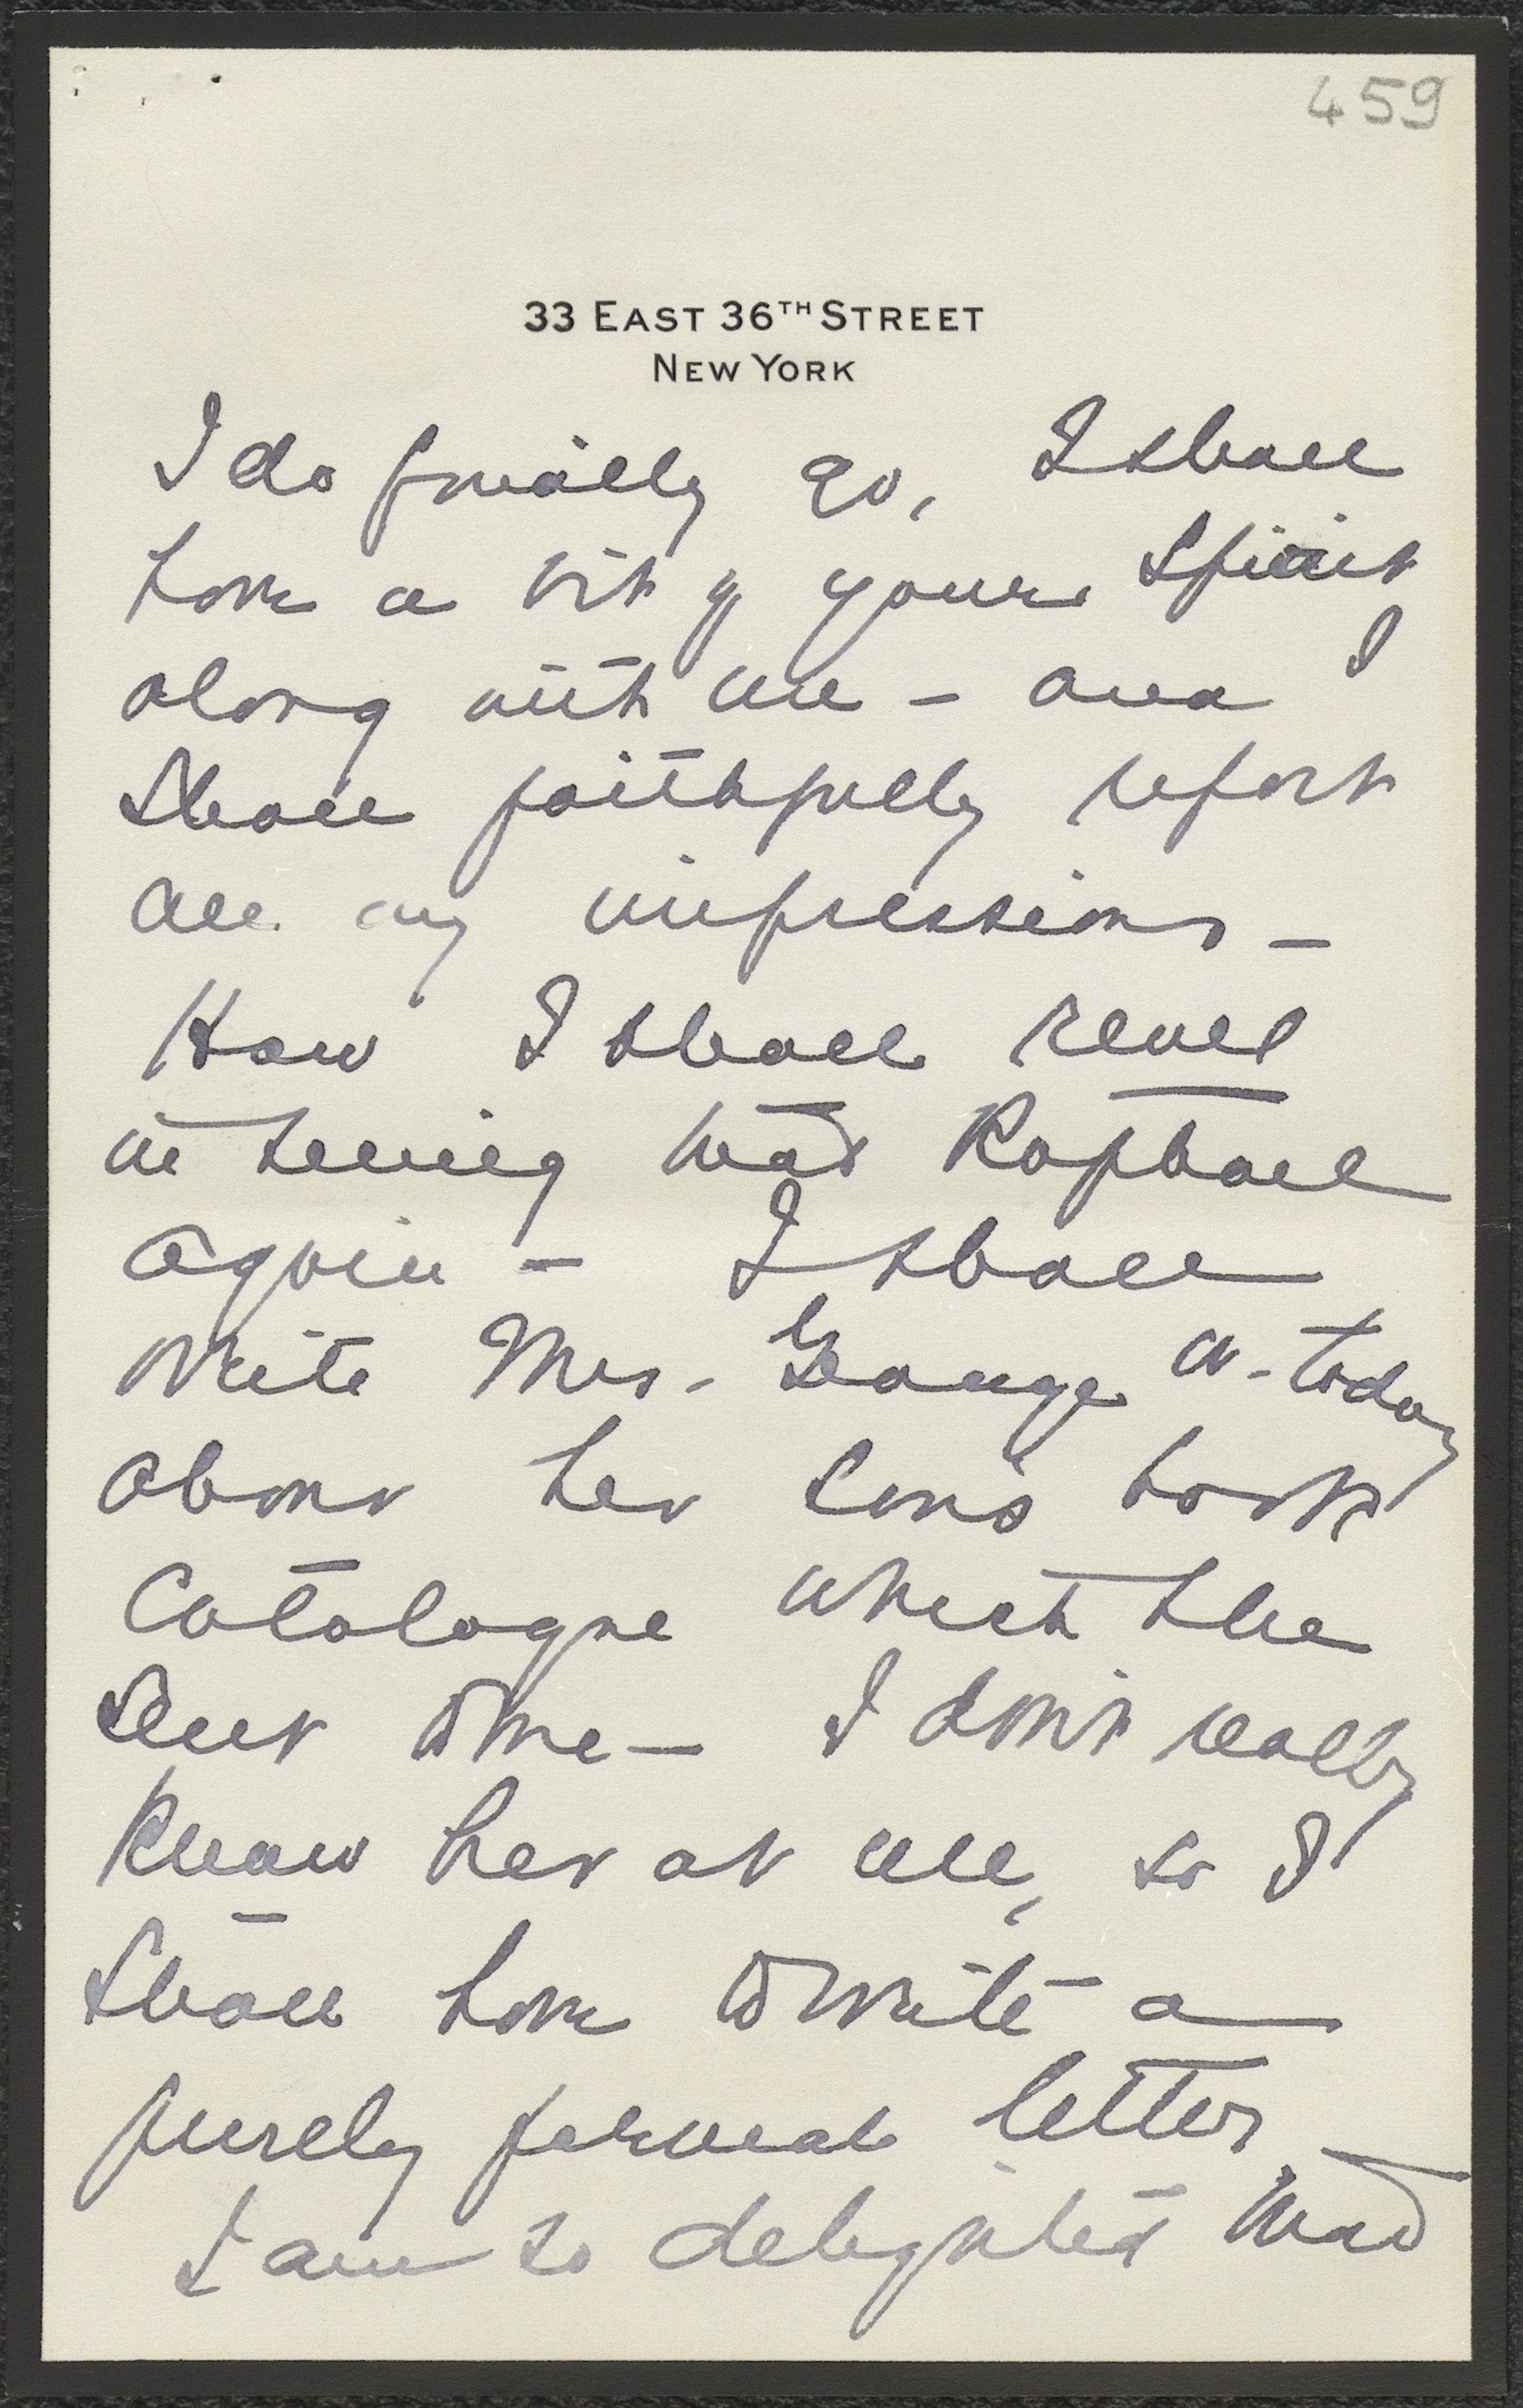I do finally go, I shall have a bit of your spirit along with me – and I shall faithfully report all my impressions –
How I shall revel in seeing that Raphael again – I shall write Mrs. George W. – today about her son’s book catalogue which she sent to me – I don’t really know her at all, so I shall have to write a purely formal letter
I am so delighted that